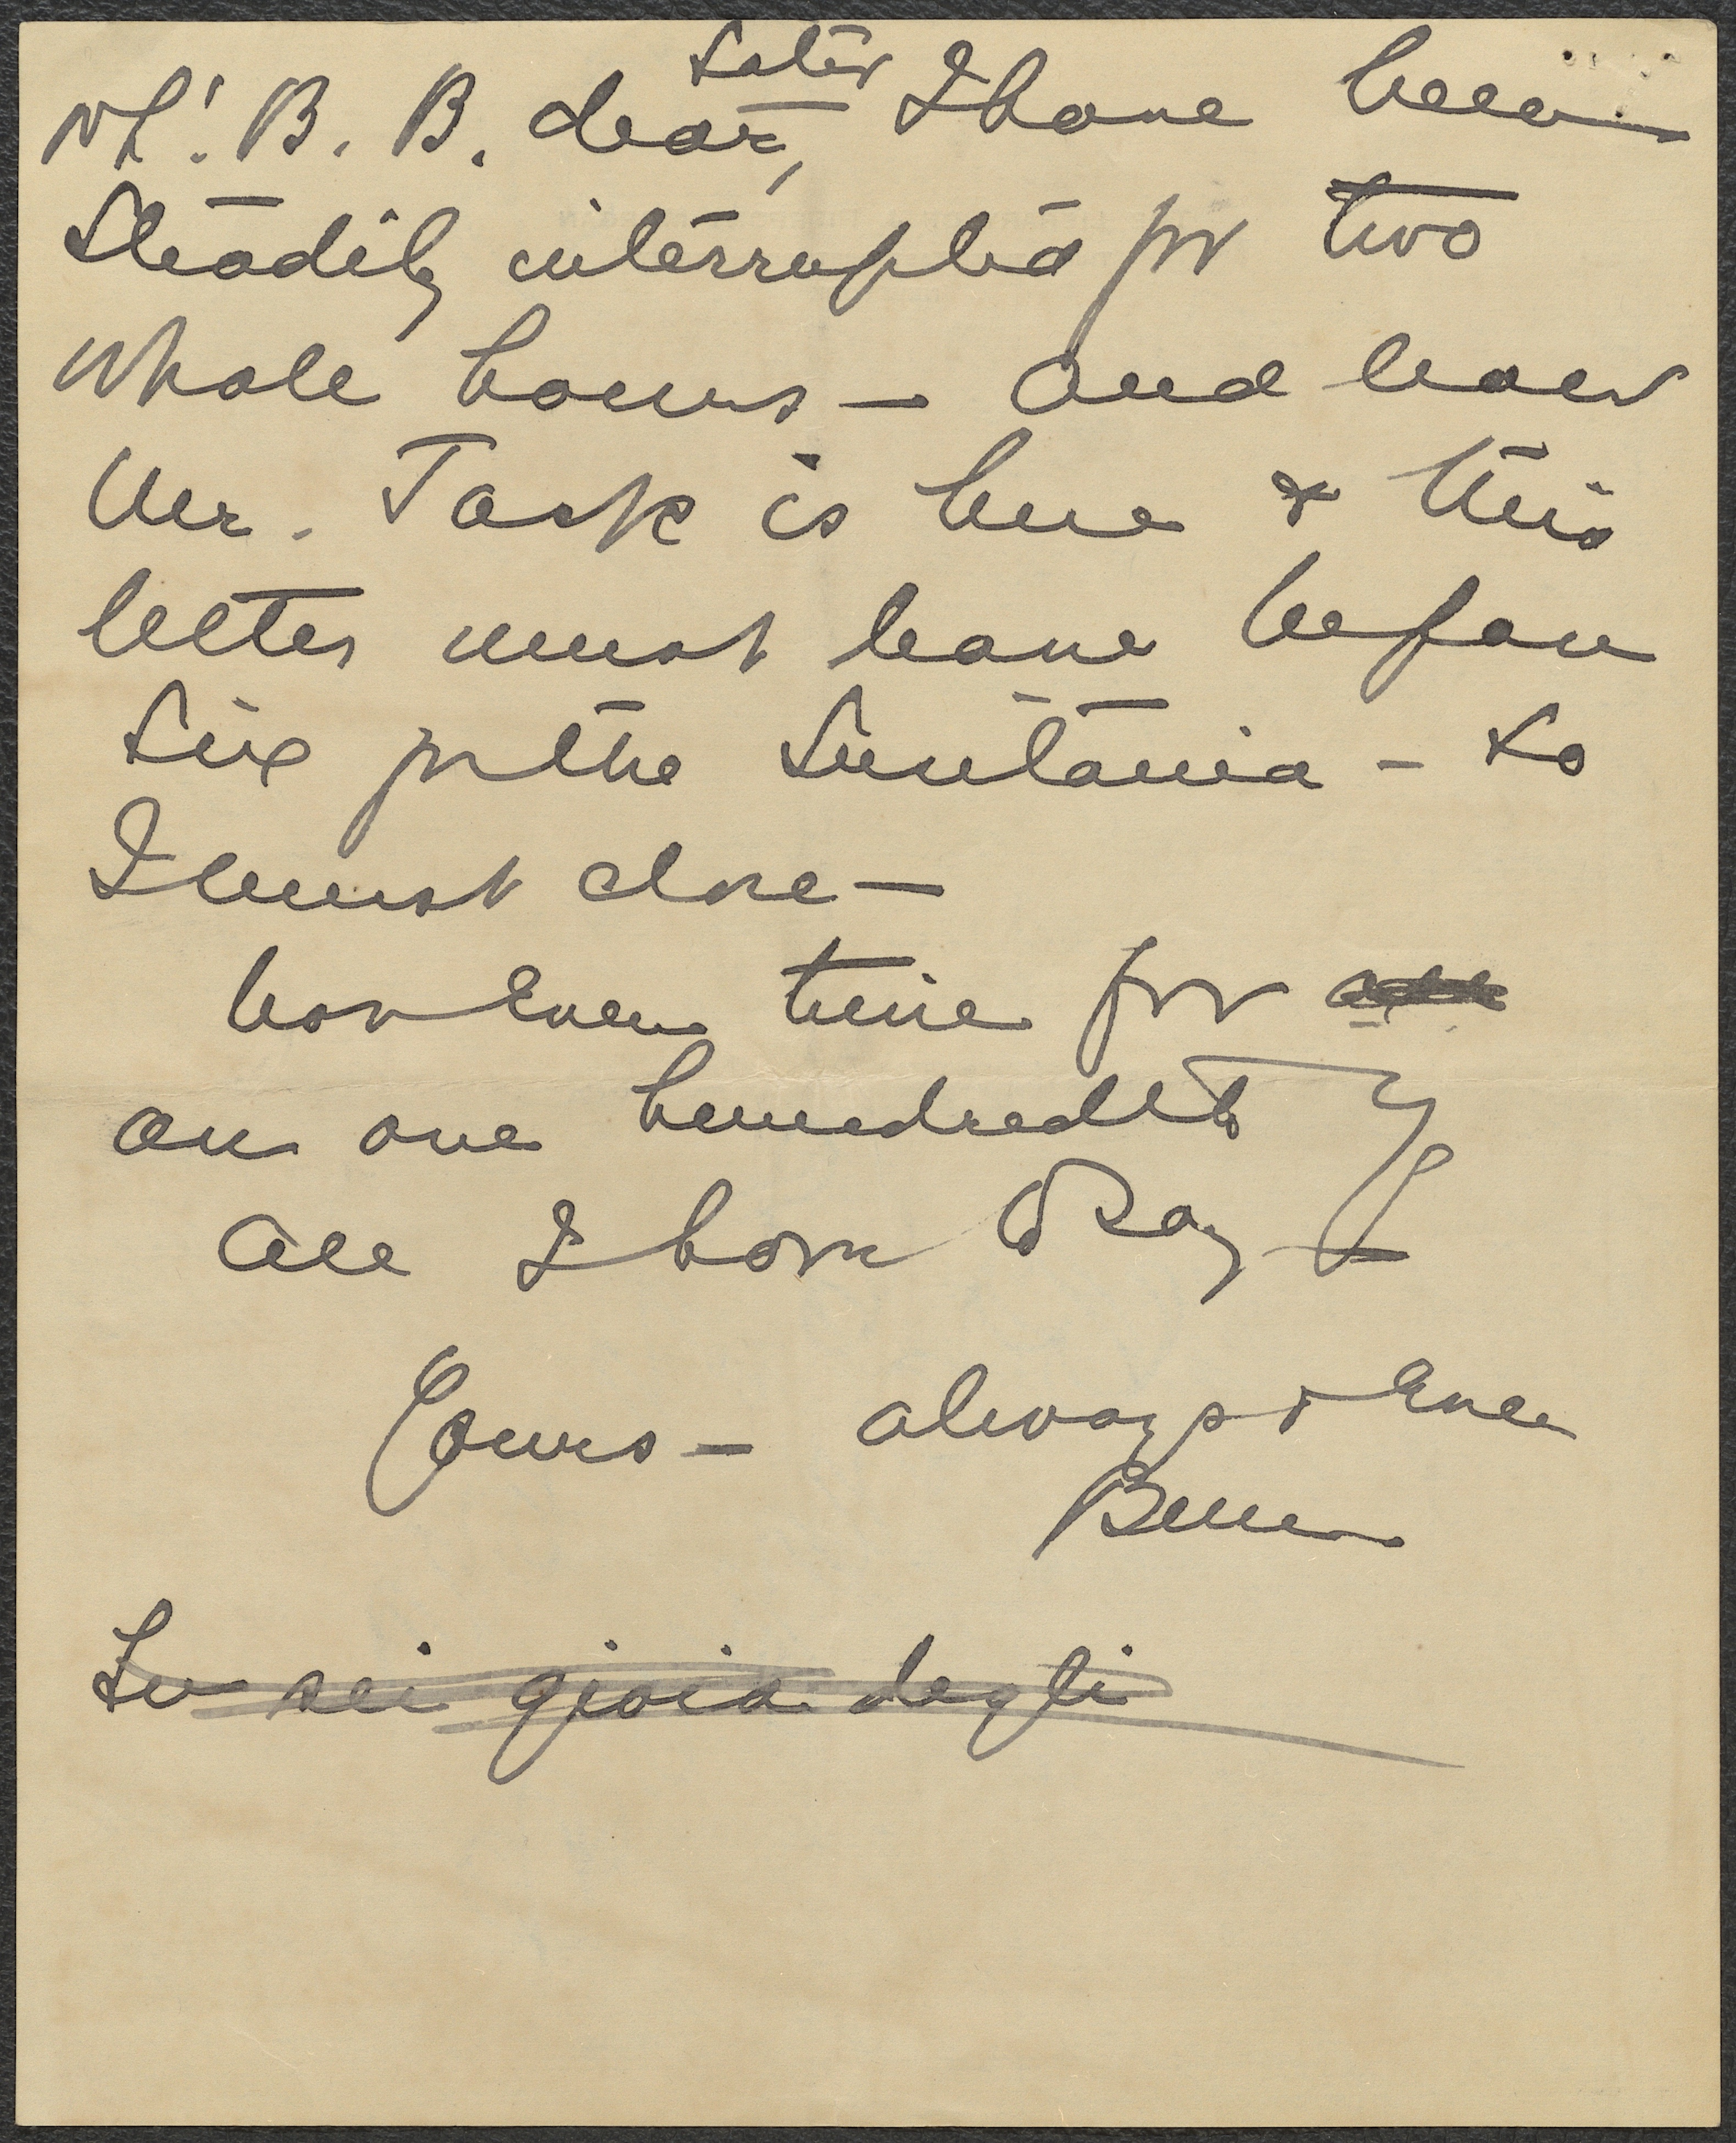Later
Oh! B.B. dear, I have been steadily interrupted for two whole hours – And now Mr. Jack is here & this letter must leave before six for the Luistania – so I must close –
Not even time for all an one hundredth of all I have to say –
Yours – always & ever
Belle
In sei gioia degli